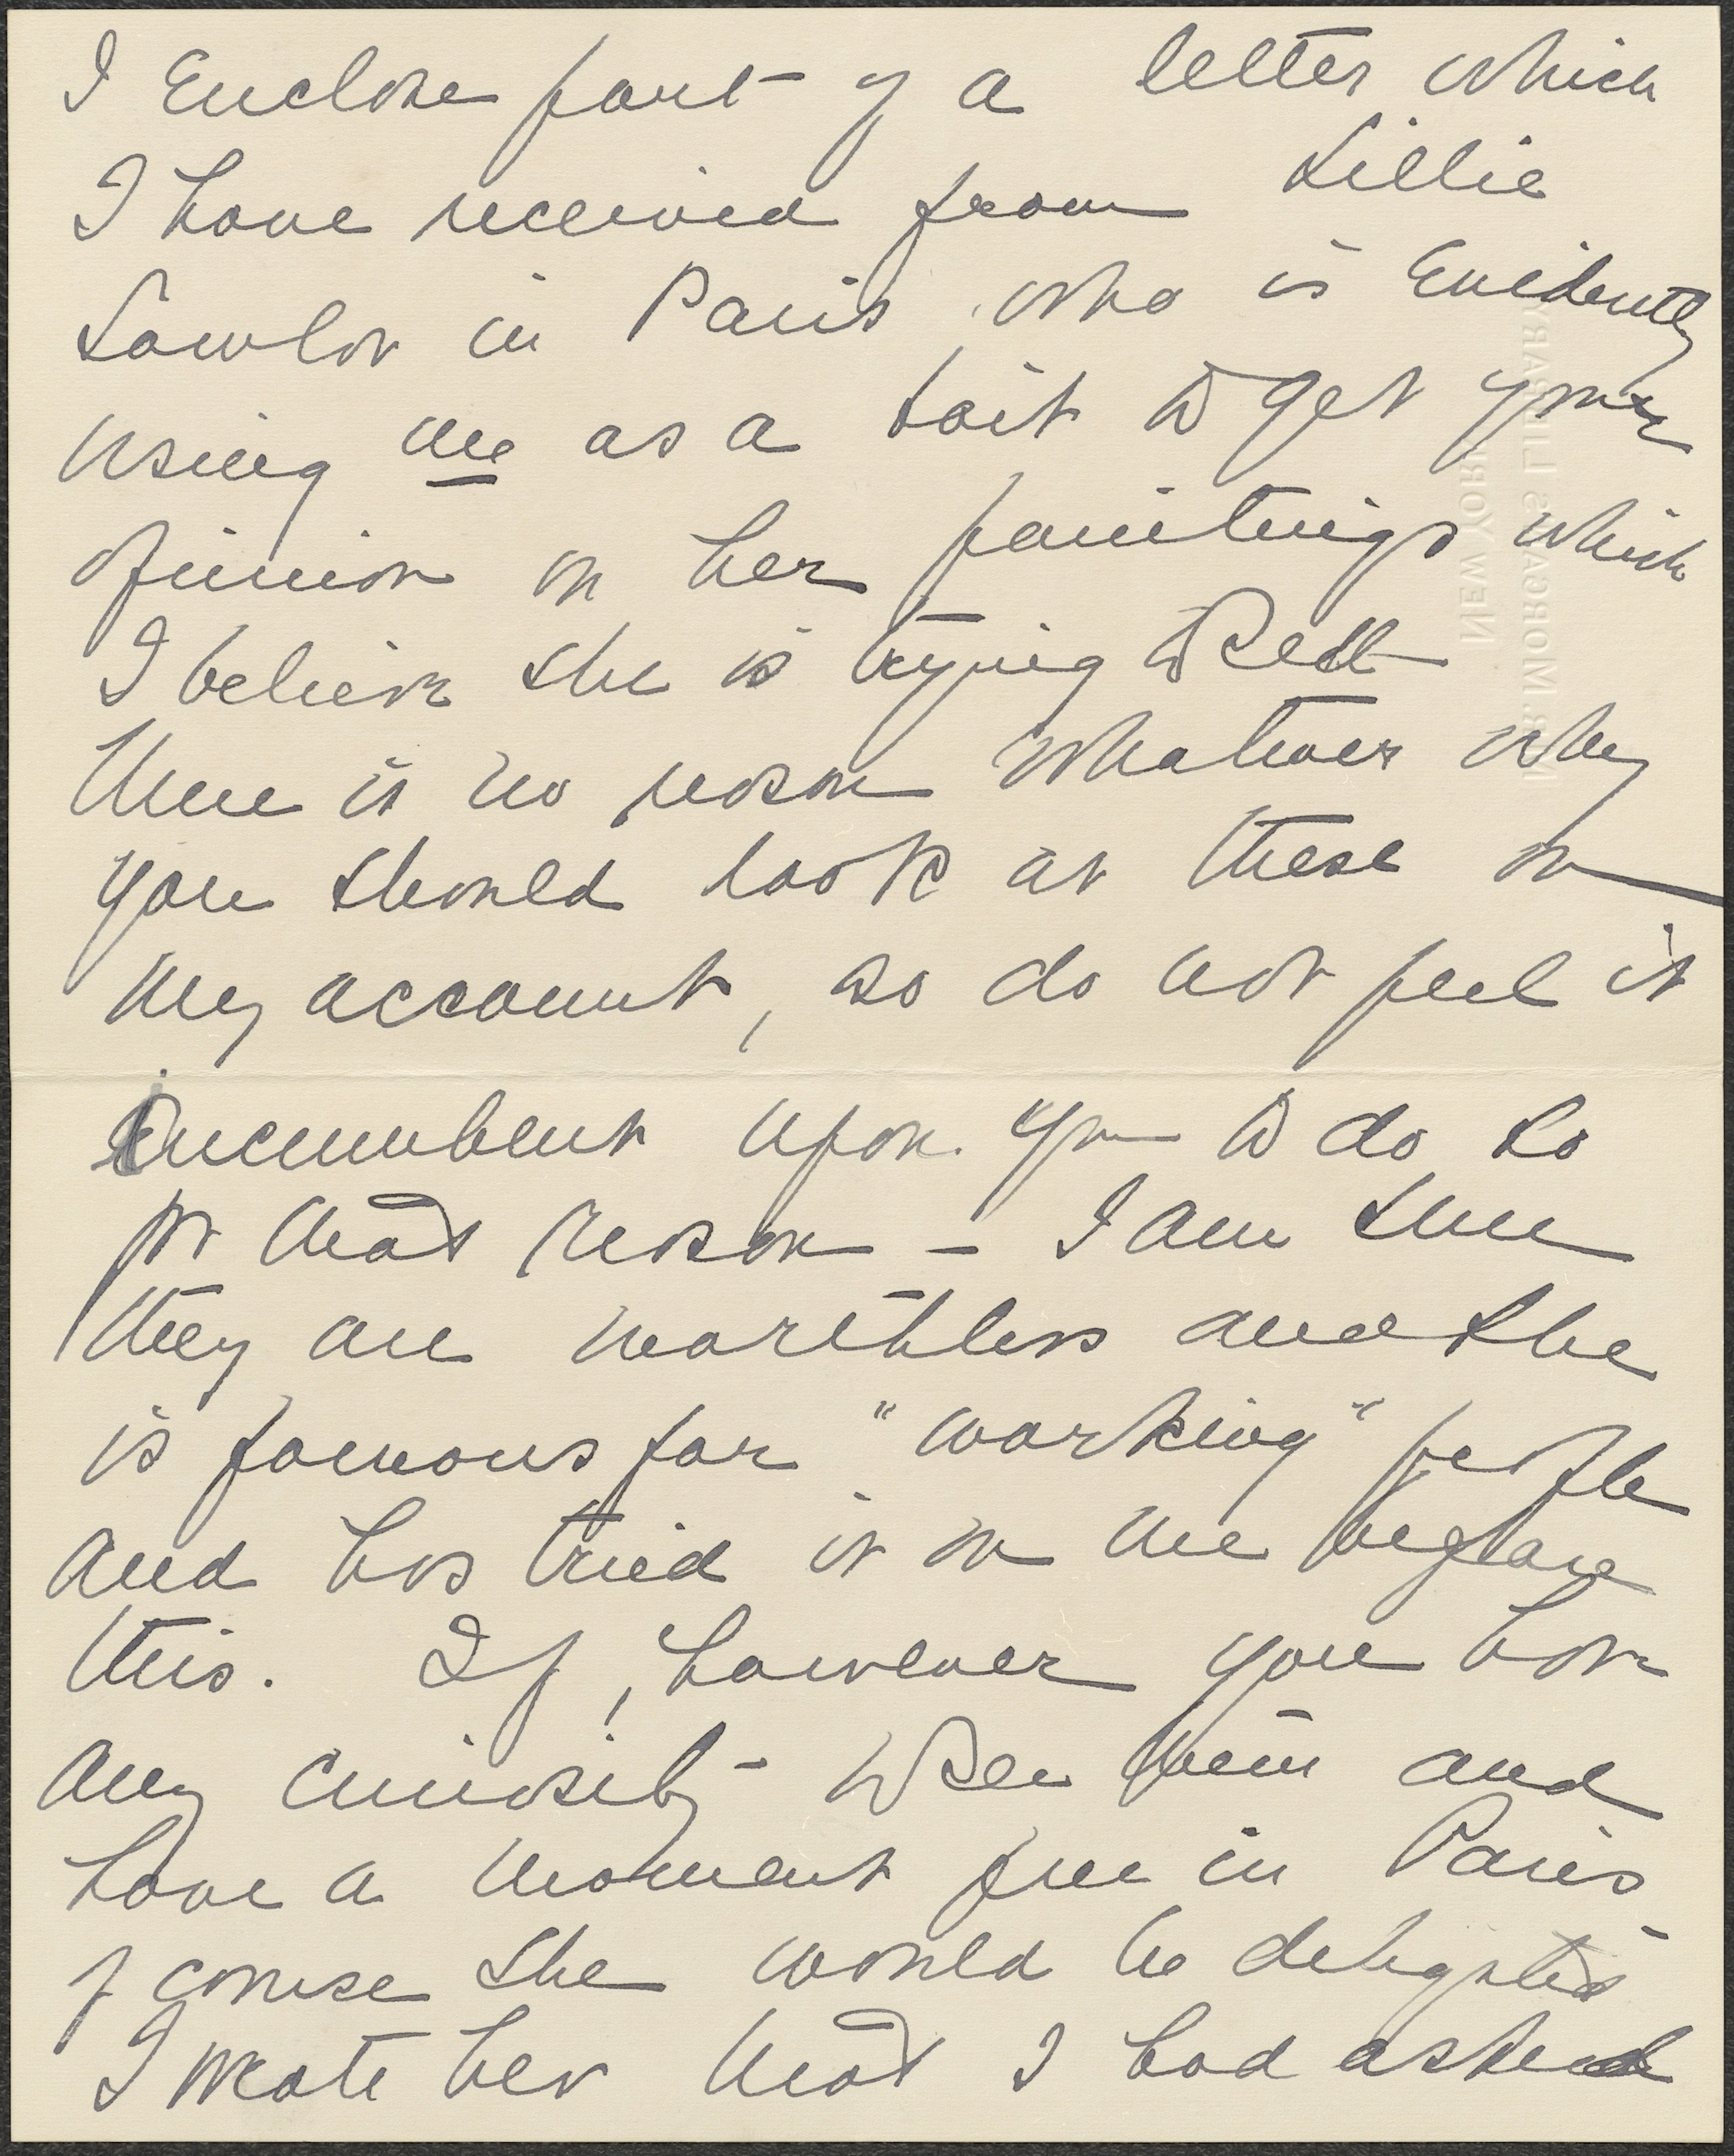I enclose part of a letter which I have received from Lillie Lawlor in Paris who is evidently using me as a bait to get your opinion on her paintings which I believe she is trying to sell –
There is no reason whatever why you should look at these on my account, so do not feel it incumbent upon you to do so for that reason – I am sure they are worthless and she is famous for “working” people and has tried it on me before this. If, however you have any curiosity to see them and have a moment free in Paris – of course she would be delighted
I wrote her that I had asked